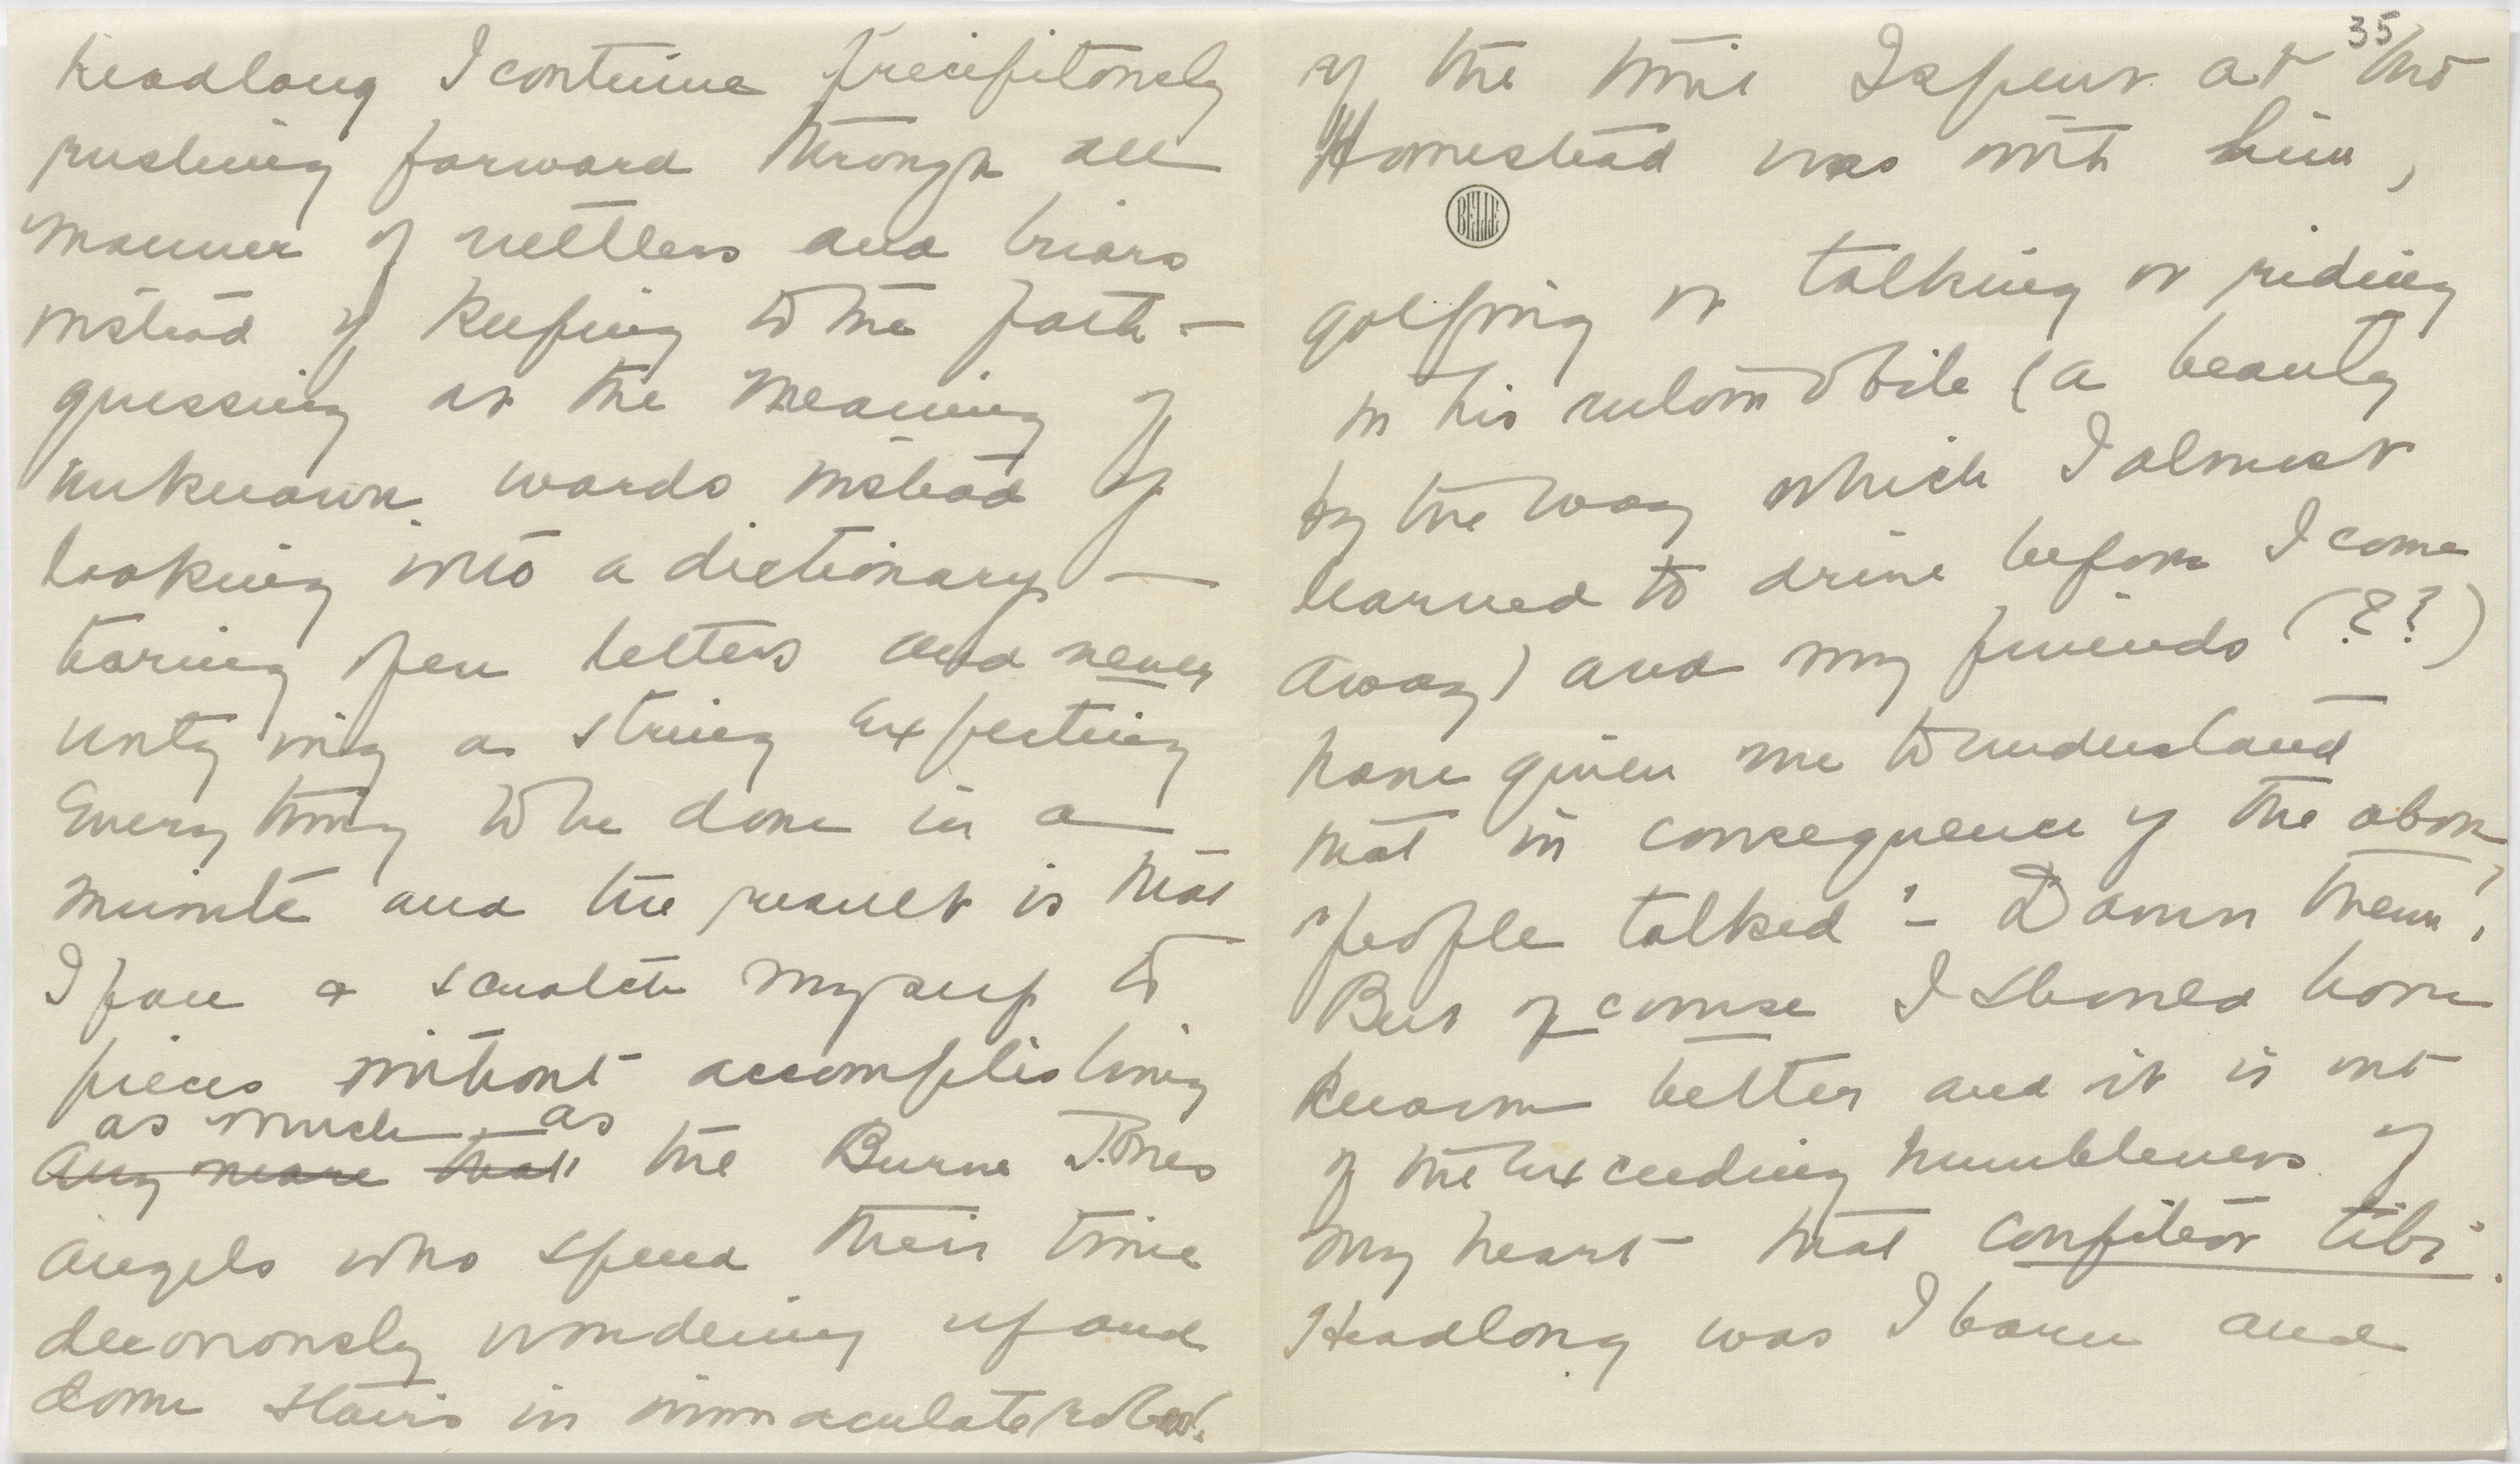of the time I spent at the Homestead was with him, golfing or talking or riding in his automobile (a beauty by the way which I almost learned to drive before I came away) and my friends (??) have given me to understand that in consequence of the above “people talked” – Damn them! But of course I should have known better and it is out of exceeding humbleness of my heart that confiteor tibi. Headlong was I born and
headlong I continue precipitously rushing forward through all manner of nettles and briars instead of keeping to the path – guessing at the meaning of unknown words instead of looking into a dictionary – tearing open letters and never untying a string expecting every thing to be done in a minute and the result is that I fall & scratch myself to pieces without accomplishing any more that ˆas much asˆ the Burne Jones angels who spend their time decorously wandering up and down stairs in immaculate robes.